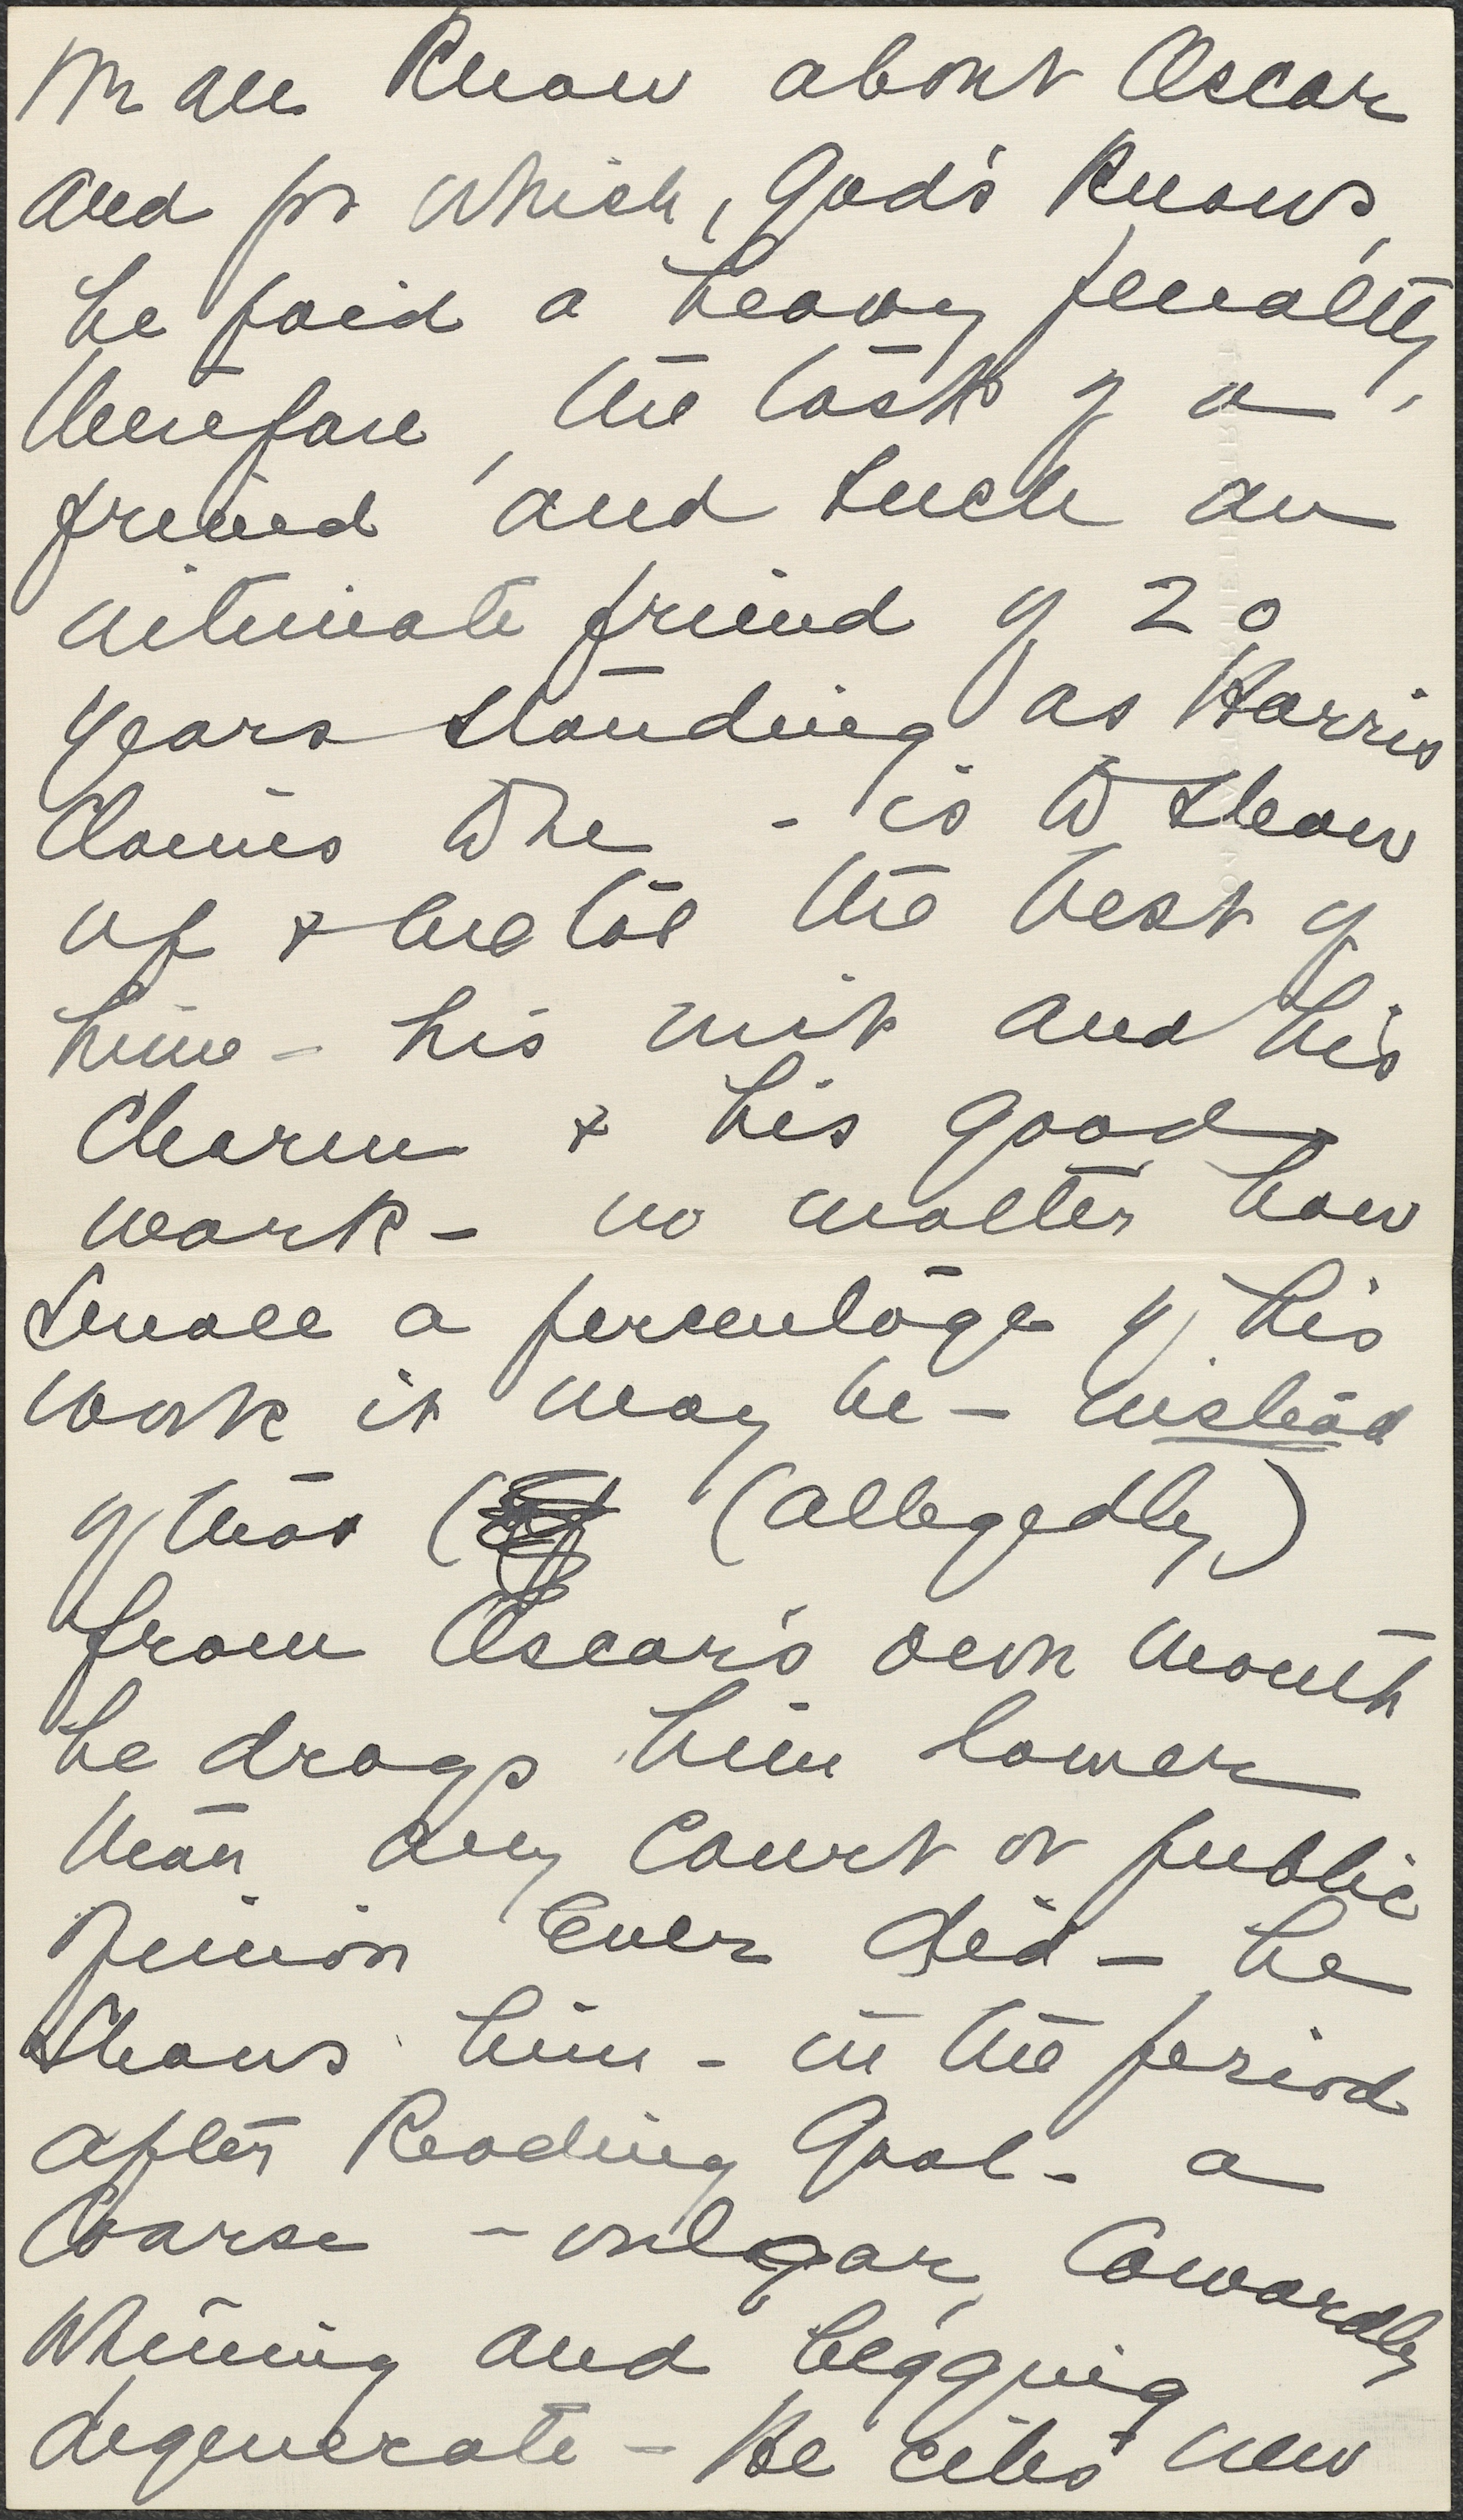we all know about Oscar and for which, God’s knows, he paid a heavy penalty, therefore, the task of a friend and such an intimate friend of 20 years standing as Harris claims to be – is to show up & detail [?] the best of him – his wit and his charm & his good work – no matter how small a percentage of his work it may be – instead of that (of (allegedly) from Oscar’s own mouth he drags him lower than any court of public opinion ever did – he shows him – in the period after Reading Gaol – a coarse – vulgar, cowardly whining and begging degenerate – He cites new